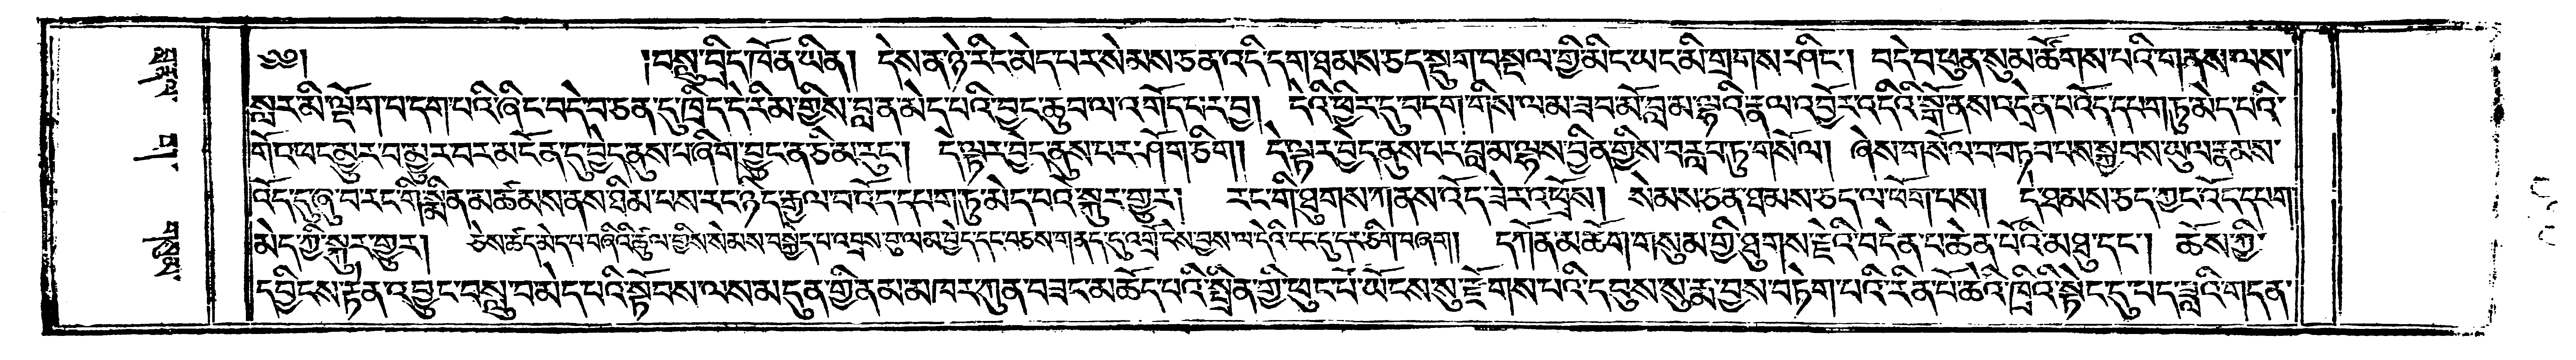༄༅། །བསླུ་བྲིད་ཁོ་ན་ཡིན། དེས་ན་ཉེ་རིང་མེད་པར་སེམས་ཅན་འདི་དག་ཐམས་ཅད་སྡུག་བསྔལ་གྱི་མིང་ཡང་མི་གྲགས་ཤིང་། བདེ་བ་ཕུན་སུམ་ཚོགས་པའི་གནས་ལས་
སླར་མི་ལྡོག་པ་དག་པའི་ཞིང་བདེ་བ་ཅན་དུ་ཁྲིད་དེ་རིམ་གྱིས་བླ་ན་མེད་པའི་བྱང་ཆུབ་ལ་འགོད་པར་བྱ། དེའི་ཕྱིར་དུ་བདག་གིས་ལམ་ཟབ་མོ་བླ་མ་ལྷའི་རྣལ་འབྱོར་འདིའི་སྒོ་ནས་འདྲེན་པ་འོད་དཔག་ཏུ་མེད་པའི་
གོ་འཕང་མྱུར་བ་མྱུར་བར་མངོན་དུ་བྱེད་ནུས་པ་ཞིག་བྱུང་ན་ཅི་མ་རུང་། དེ་ལྟར་བྱེད་ནུས་པར་ཤོག་ཅིག །དེ་ལྟར་བྱེད་ནུས་པར་བླ་མ་ལྷས་བྱིན་གྱིས་བརླབ་ཏུ་གསོལ། ཞེས་གསོལ་བ་བཏབ་པས་སྐྱབས་ཡུལ་རྣམས་
འོད་དུ་ཞུ་བ་རང་གི་སྨིན་མཚམས་ནས་ཐིམ་པས་རང་ཉིད་རྒྱལ་བ་འོད་དཔག་ཏུ་མེད་པའི་སྐུར་གྱུར། རང་གི་ཐུགས་ཀ་ནས་འོད་ཟེར་འཕྲོས། སེམས་ཅན་ཐམས་ཅད་ལ་ཕོག་པས། དེ་ཐམས་ཅད་ཀྱང་འོད་དཔག་
མེད་ཀྱི་སྐུར་གྱུར། ཤེས་ཚད?་མེད་པ་བཞིའི་ཚུལ་གྱིས་སེམས་བསྐྱེད་པ་འབྲས་བུ་ལམ་བྱེད་དང་བཅས་གནད་དུ་འགྲོ་ངེས་བྱས་ལ་དེའི་ངང་དུ་དར་ཅིག་བཞག།  དཀོན་མཆོག་གསུམ་གྱི་ཐུགས་རྗེའི་བདེན་པ་ཆེན་པོའི་མཐུ་དང་། ཆོས་ཀྱི་
དབྱིངས་རྟེན་འབྱུང་བསླུ་བ་མེད་པའི་སྟོབས་ལས་མདུན་གྱི་ནམ་མཁར་ཀུན་བཟང་མཆོད་པའི་སྤྲིན་གྱི་ཕུང་པོ་ཡོངས་སུ་རྫོགས་པའི་དབུས་སུ་རྨ་བྱས་བཏེག་པའི་རིན་པོ་ཆེའི་ཁྲིའི་སྟེང་དུ་པད་ཟླའི་གདན་